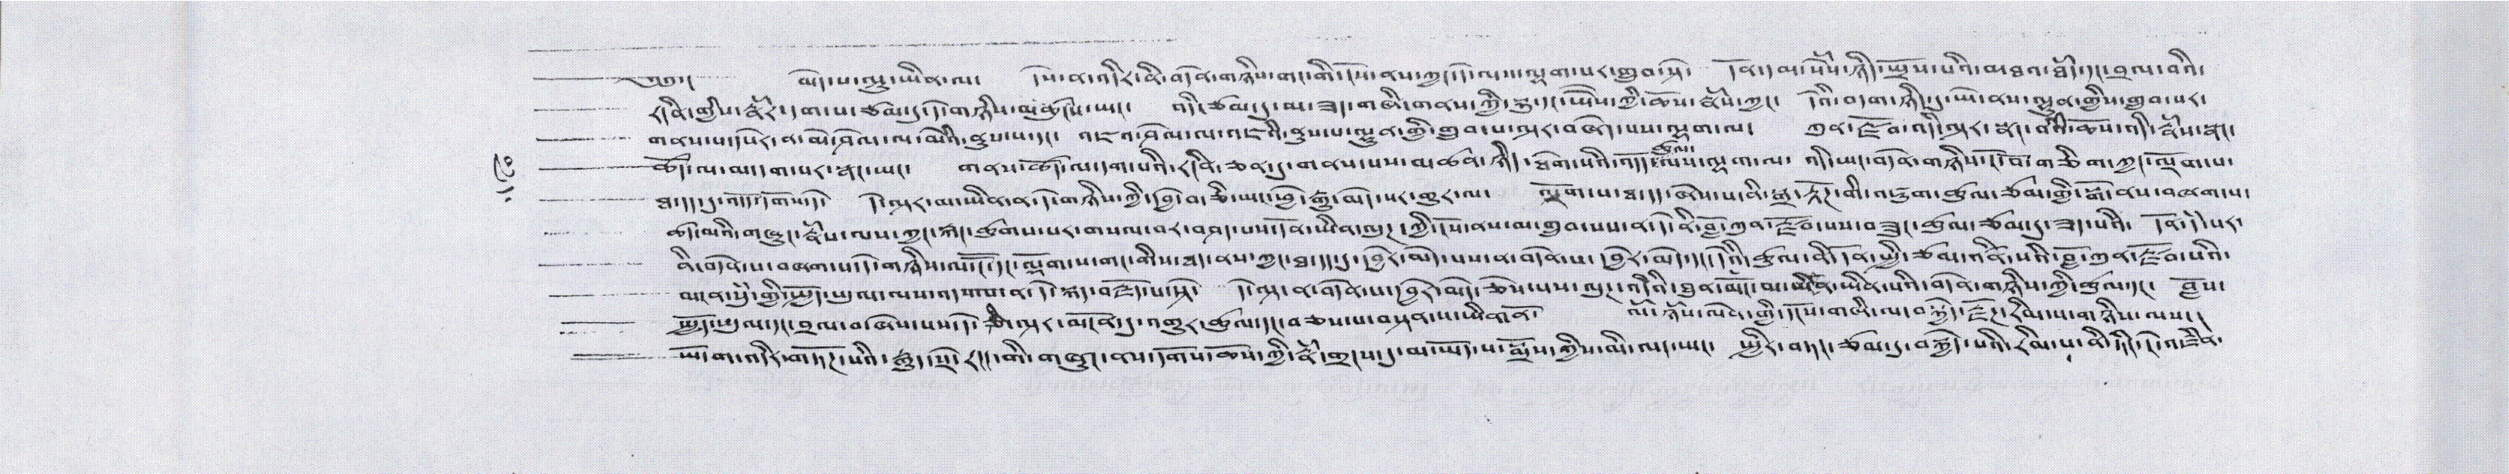མེད་པ་ལྟ་བུ་ཡིན་ལ། དེས་ན་འདིར་ནི་བདེན་གཉིས་གང་གི་ངོས་ནས་ཀྱང་དེ་ལས་ལྷག་པར་གྲུབ་སྟེ། དོན་དམ་སེམས་ཉིད་སྤྲོས་པའི་མཐའ་ཐམས་ཅད་དང་བྲལ་བའི་
རང་བཞིན་གྱིས་རྣམ་པར་དག་པ་ཙམ་དུ་དེ་གཉིས་མཚུངས་ཀྱང་། འདི་ཙམ་དུ་མ་ཟད་གཞི་གནས་ཀྱི་སྐུ་དང་ཡེ་ཤེས་ཀྱི་ཆོས་རྣམས་ཀྱང་དེའི་བདག་ཉིད་དུ་ཡེ་ནས་ལྷུན་གྱིས་གྲུབ་པར་
གནས་པ་དཔེར་ན་མེ་ཤེལ་ལ་མེ་ཡི་ནུས་པ་དང་། འཇའ་ཤེལ་ལ་འཇའ་ཡི་ནུས་པ་ལྷུན་གྱིས་གྲུབ་པ་ལྟར་བཞེད་པས་ལྷག་ལ། ཀུན་རྫོབ་འདི་ལྟར་སྣང་བའི་ཆོས་འདི་རྣམས་
སྣང་ཚོད་ལ་མ་དག་པར་སྣང་ཡང་། གནས་ཚོད་ལ་དག་པའི་རང་བཞིན་ཅན་དུ་གནས་པས་མཚན་ཉིད་ཐེག་པའི་འདོད་ཚུལ་ལས་ལྷག་ལ། འདི་ཡང་བདེན་གཉིས་ངོ་བོ་གཅིག་ཀྱང་ལྡོག་པ་
ཐ་དད་དུ་འདོད་དགོས་ཏེ། དེ་ལྟར་མ་ཡིན་ན་དེ་གཉིས་ཀྱི་དབྱེ་བ་ཅི་ཡང་ཕྱེ་རྒྱུ་མེད་པར་འགྱུར་ལ། ལྡོག་པ་ཐ་དད་ཞེས་པ་ནི་སྒྲ་རྟོག་གི་འཇུག་ཚུལ་ཙམ་གྱི་སྒོ་ནས་བཞག་པ་
ཚད་མའི་གཞུང་རྣམས་ལས་ཀྱང་རྐང་ཚུགས་པར་གསལ་བར་བཤད་པས་དོན་ཡིན་ལུགས་ཀྱི་ངོས་ནས་མ་གྲུབ་པས་ན་དེ་ནི་བློ་ཀུན་རྫོབ་པས་གཟུང་ཚུལ་ཙམ་དུ་ཟད་པས་དོན་དམ་པར་
ནི་བདེན་པ་བཞག་པ་དེ་ལ་ངོ་བོ་དང་ལྡོག་པ་གང་གི་ཐད་ནས་ཀྱང་ཐ་དད་དུ་དབྱེར་མེད་པས་ན་བདེན་པ་དབྱེར་མེད་དང་དེའི་ཚུལ་ནི་དོན་སྤྱི་ཙམ་འཛིན་པའི་བློ་ཀུན་རྫོབ་པའི་
མངོན་སུམ་གྱི་སྤྱོད་ཡུལ་ལས་འདས་པ་ན་དེ་སྐད་བརྗོད་པ་སྟེ། དེ་ལྟ་ན་བདེན་པ་དབྱེར་མེད་ཅེས་པས་ལུགས་འདིའི་ཐུན་མོང་མ་ཡིན་པའི་བདེན་གཉིས་ཀྱི་ཚུལ་དང་། བློས་
སྤྱོད་ཡུལ་དང་བྲལ་བ་ཞེས་པ་དེ་ཅི་ལྟར་མངོན་དུ་གྱུར་ཚུལ་དང་བཅས་པ་བསྟན་པ་ཡིན་ནོ། ལམ་ཉམས་ལེན་གྱི་དངོས་གཞི་ལ་བསྐྱེད་རྫོགས་རིམ་པ་གཉིས་ལས། 
ཡོ་ག་འདིར་གཏོགས་པའི་རྒྱུད་སྡེ་རང་རང་གི་གཞུང་ནས་དགོས་ཆོས་ཀྱི་རྣམ་གྲངས་དུ་མ་ཡོད་པ་སྨོས་ཀྱིས་མི་ལང་ཡང་། སྤྱིར་བཏང་ཙམ་དུ་བསྐྱེད་པའི་རིམ་པའི་ཏིང་ངེ་འཛིན་